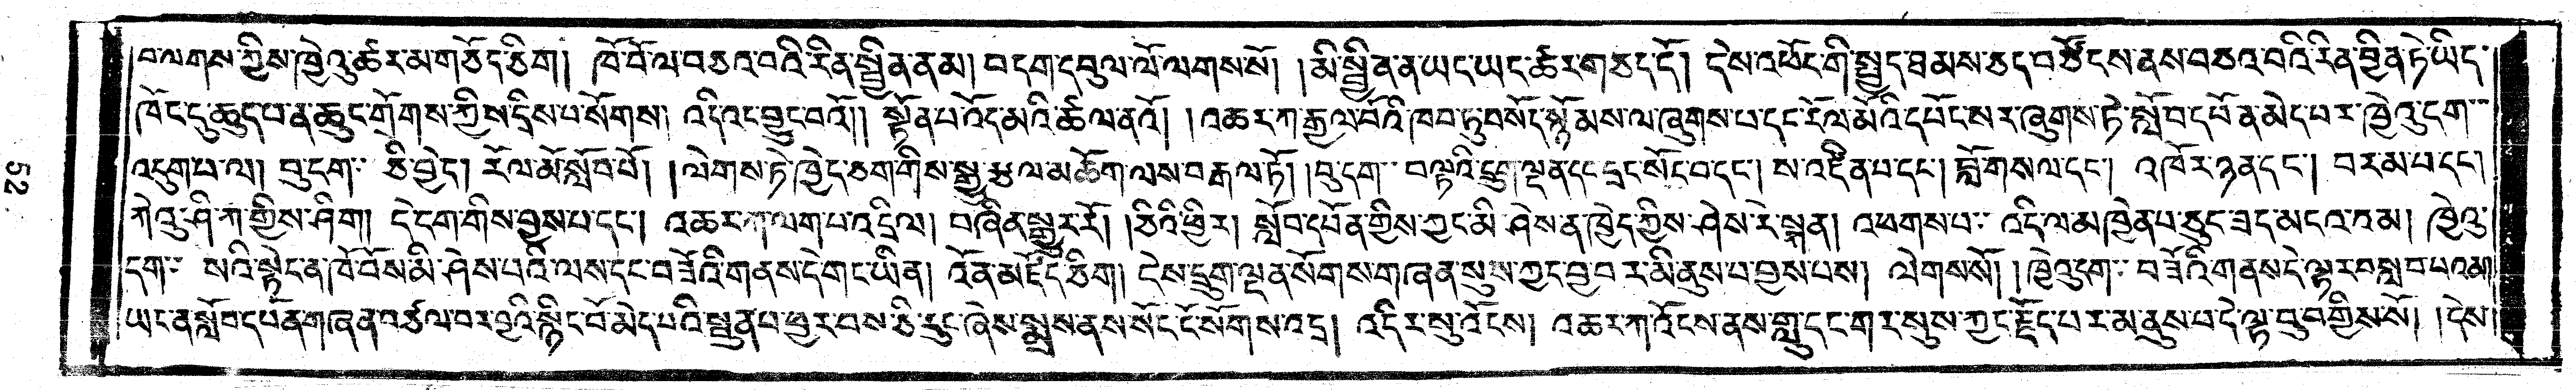བ་ལགས་ཀྱིས་ཁྱེའུ་ཚར་མ་གཅོད་ཅིག། ཁོ་བོ་ལ་བཅའ་བའི་རིན་སྦྱིན་ནམ། བདག་དབུལ་ལོ་ལགས་སོ། །མི་སྦྱིན་ན་ཡང་ཡང་ཚར་གཅད་དོ། དེས་འཕོང་གི་སྤྱད་ཐམས་ཅད་བཙོངས་ནས་བཅའ་བའི་རིན་བྱིན་ཏེ་ཡིད་
ཁོང་དུ་ཆུད་པ་ན་ཆུང་གྲོགས་ཀྱིས་དྲིས་པ་སོགས། འདི་འང་བྱུང་བའོ། །སྟོན་པ་འོད་མའི་ཚལ་ནའོ། །འཆར་ཀ་རྒྱལ་བོའི་ཁབ་ཏུ་བསོད་སྙོམས་ལ་ཞུགས་པ་དང་རོལ་མོའི་དཔོང་སར་ཞུགས་ཏེ་སློབ་དཔོན་མེད་པར་ཁྱེའུ་དག་
འདུག་པ་ལ། བུ་ངག༑ ཅི་བྱེད། རོལ་མོ་སློབ་བོ། །ལེགས་ཏེ་ཁྱེད་ཅག་གིས་སྒྱུ་རྩལ་མཆོག་ལས་བརྒལ་ཏོ། །བུ་དག་བལྟའི་དྲུག་ལྡན་དང་དྲང་སོང་བ་དང་། ས་འཛིན་པ་དང་། བློ་གསལ་དང་། འཁོར་ཉན་དང་། བར་མ་པ་དང་།
ཀེའུ་ཤི་ཀ་གྱིས་ཤིག། དེ་དག་གིས་བྱས་པ་དང་། འཆར་ཀ་ལག་པ་འདྲིལ། བཞིན་སྒྱུར་རོ། །ཅིའི་ཕྱིར། སློབ་དཔོན་གྱིས་ཀྱང་མི་ཤེས་ན་ཁྱེད་ཀྱིས་ཤེས་རེ་སྐན། འཕགས་པ༑ འདི་ལ་མཁྱེན་པ་ཅུང་ཟད་མངའ་འམ། ཁྱེའུ་
དག༑ སའི་སྟེང་ན་ཁོ་བོས་མི་ཤེས་པའི་ལས་དང་བཟོའི་གནས་དེ་གང་ཡིན། འོན་མཛོད་ཅིག། དེས་དྲུག་ལྡན་སོགས་གཞན་སུས་ཀྱང་བྱ་བར་མི་ནུས་པ་བྱས་པས། ལེགས་སོ། །ཁྱེའུ་དག༑ བཟོའི་གནས་དེ་ལྟར་བསླབ་པའམ།
ཡང་ན་སློབ་དཔོན་གཞན་བཙལ་བར་བྱའི་སྙིང་པོ་མེད་པའི་སྤུན་པ་ཕྱར་བས་ཅི་རུང་ཞེས་སྨྲས་ནས་སོང་ངོ་སོགས་འདྲ། འདིར་སུ་འོངས། འཆར་ཀ་འོངས་ནས་གླུ་དང་གར་སུས་ཀྱང་རྗོད་པར་མ་ནུས་པ་དེ་ལྟ་བུ་བགྱིས་སོ། །དེས་